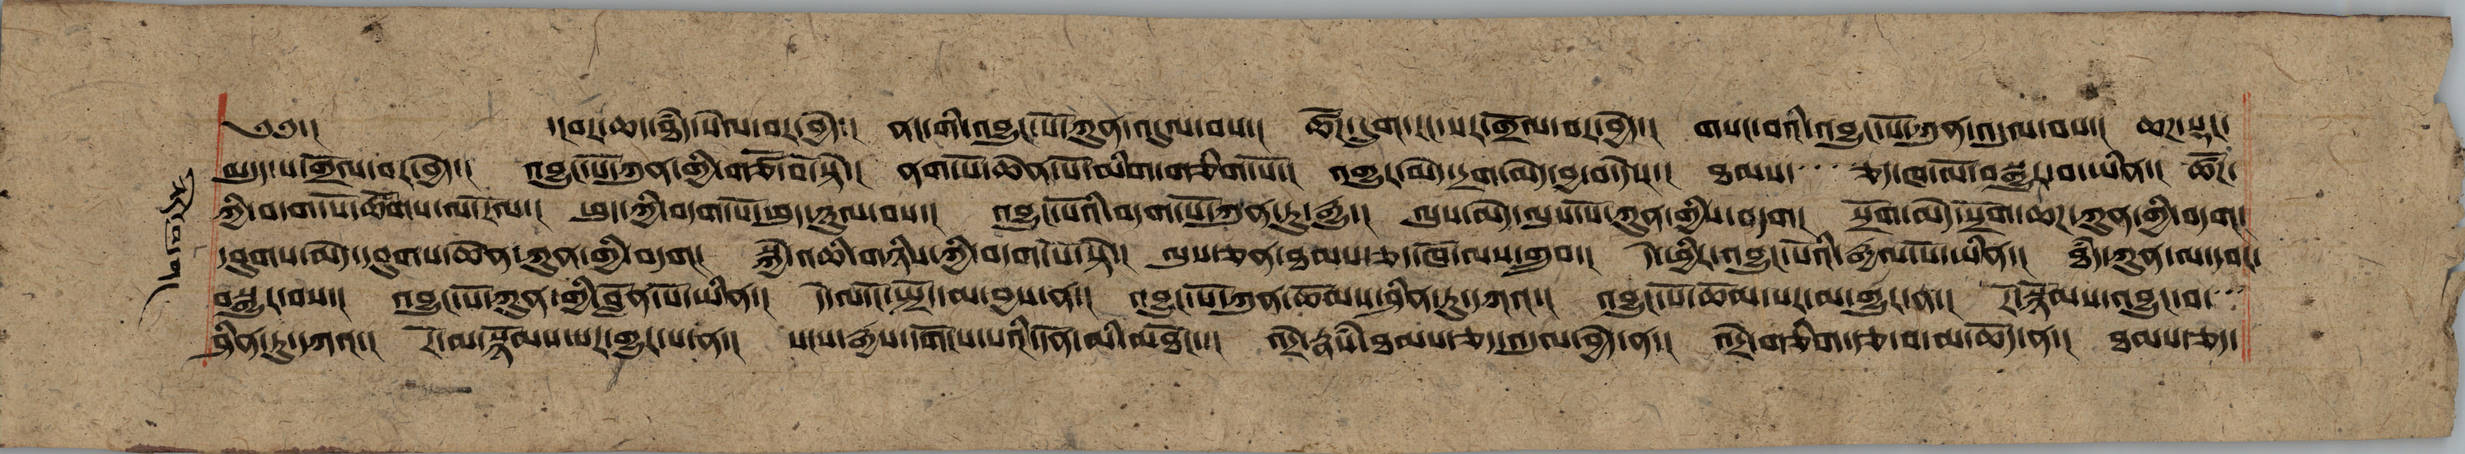༄༅་། ་།བར་ཆད་ཐཾད་སེལ་བར་བྱེད་། ནང་གི་འབྱུང་པོ་ཀུན་འདུལ་བས་། ཚོཌ་དྲུག་རང་སར་གྲོལ་བར་བྱེད་། གསང་བའི་འབྱུང་པོ་ཀུན་འདུལ་བས་། ཆཌ་སྡང་
མདུད་པ་གྲོལ་བར་བྱེད་། འབྱུང་པོ་ཀུན་གྱི་གཙོ་བོ་སྟེ་། ནག་པོ་ཆེན་པོ་མིག་གཅིག་པོ་། འགྱུར་མེད་དྲག་མེད་བྱ་བ་དེས་། ཐམས་ཅད་ཁ་ལོ་བསྒྱུར་བ་ཡིན་། ཚོཌ་
ཀྱི་བདག་པོ་ཚོགས་ལ་རོལ་། ཕུད་ཀྱི་བདག་པོ་ཕུད་ཉུལ་བས་། འབྱུང་པོའི་བདག་པོ་ཀུན་ཏུ་རྒྱུ་། ལུས་མེད་ལུས་པོ་ཀུན་གྱིས་བདག། སྲོག་མེད་སྲོག་ཆཌ་ཀུན་གྱི་བདག།
དབུགས་མེད་དབུགས་ཆེན་ཀུན་གྱི་བདག། སྐྱེ་འཆི་གཉིས་ཀྱི་བདག་པོ་སྟེ་། ལུས་ཅན་ཐམས་ཅད་ཁོ་ལས་གྲུབ་། དེ་ཕྱིར་འབྱུང་པོའི་རྒྱལ་པོ་ཡིན་། ཐཾད་ཀུན་ལ་དབང
བསྒྱུར་བས་། འབྱུང་པོ་ཀུན་གྱི་བློན་པོ་ཡིན་། དེ་ལ་ངོ་སྤྲོད་མ་བྱས་ན་། འབྱུང་པོ་ཀུན་ཆོམས་ཤིན་ཏུ་དཀའ་། འབྱུང་པོ་ཆོམ་པར་མ་གྱུར་ན་། རོ་སྙོམས་འབྱུང་བ་
ཤིན་ཏུ་དཀའ་། རོ་མ་སྙོམས་པར་གྱུར་པ་ན་། སངས་རྒྱས་དགོངས་པའི་དོན་མི་མཐོང་་། འདྲེ་རྣཾས་ཐམས་ཅད་འདུལ་བྱེད་ན་། འདྲེ་གཅིག་རྩ་བ་མ་ཆོད་ན་། ཐམས་ཅད་